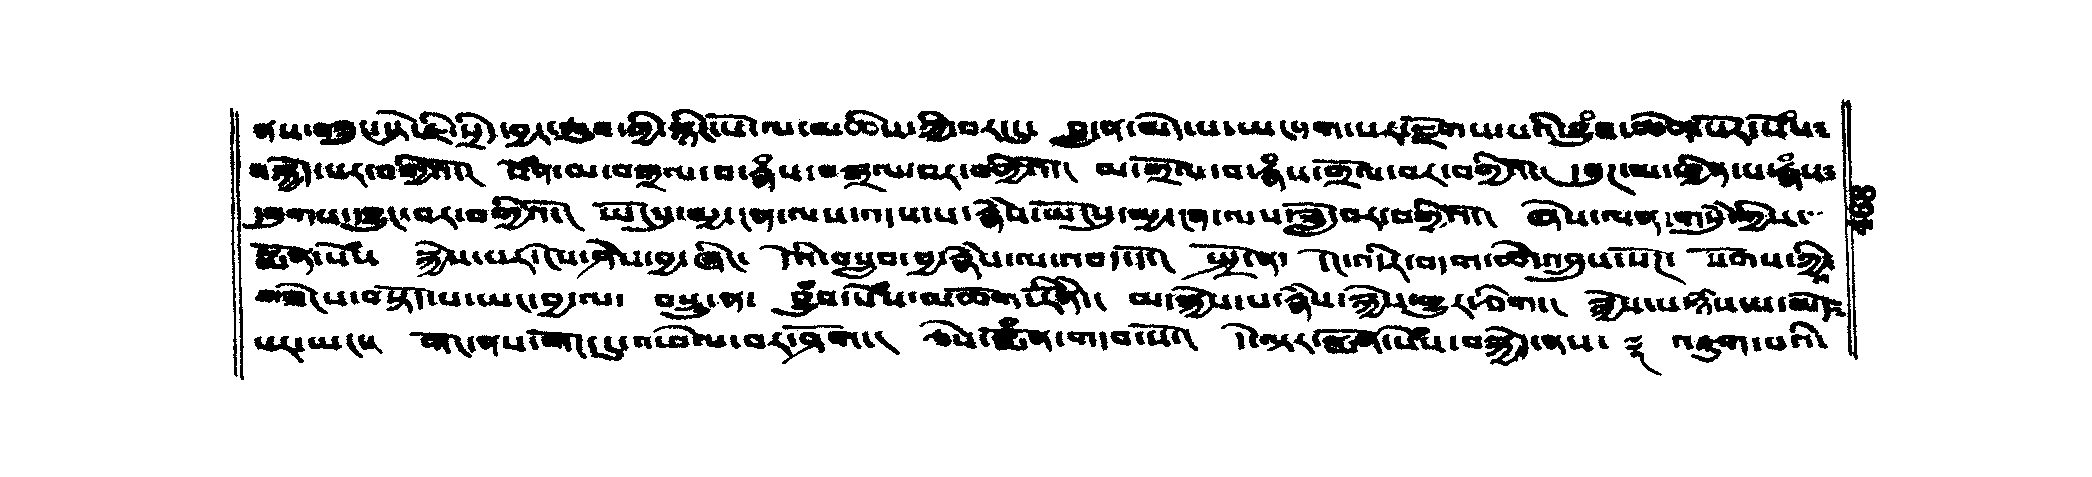ནས་བཟུང་སྟེ་ཇི་སྲིད་བྱང་ཆུབ་ཀྱི་སྙིང་པོ་ལམཆིས་ཀྱི་བར་དུ། བླ་ན་མེད་པ་ཡང་དག་པ་རྫོགས་པའི་བྱང་ཆུབ་ཆེན་པོར་སེམས་
བསྐྱེད་པར་བགྱིའོ། སེམས་ཅན་མ་བསྒྲལ་བ་རྣམས་བསྒྲལ་བར་བགྱིའོ།དབུགས་མ་ཕྱིན་པ་རྣམས་
དབུགས་དབྱུང་བར་བགྱིའོ། ཡོངས་སུ་མྱ་ངན་ལས་མ་འདས་པ་རྣམས་ཡོངས་སུ་མྱ་ངན་ལས་ཟློ་བར་བགྱིའོ། ཞེས་ལན་གསུམ་གྱི་
སྨོན་སེམས་སྐྱེས་པར་ངེས་ཤེས་བྱ་ཞིང་། དེའི་བསླབ་བྱ་རྣམས་ལ་འབད་དོ། སྤྲོ་ན། དེང་འདིར་བདག་ཚེ་འབྲས་བུ་ཡོད། །སོགས་ཀྱི་
གཟེངས་བསྟོད་པ་ཡང་བྱ་ལ། བསྡུ་ན། བྱང་ཆུབ་སེམས་མཆོག་རིན་པོ་ཆེ། །མ་སྐྱེས་པ་རྣམས་སྐྱེས་གྱུར་ཅིག་།སྐྱེས་པ་ཉམས་པ་མེད་
པར་ཡང་། །གོང་ནས་གོང་ནས་འཕེལ་བར་ཤོག་།ཅེས་སྨོན་ལམ་གདབ་བོ། དེ་ལྟར་སྨོན་སེམས་བསྐྱེད་ནས། ༈ འཇུག་པའི་